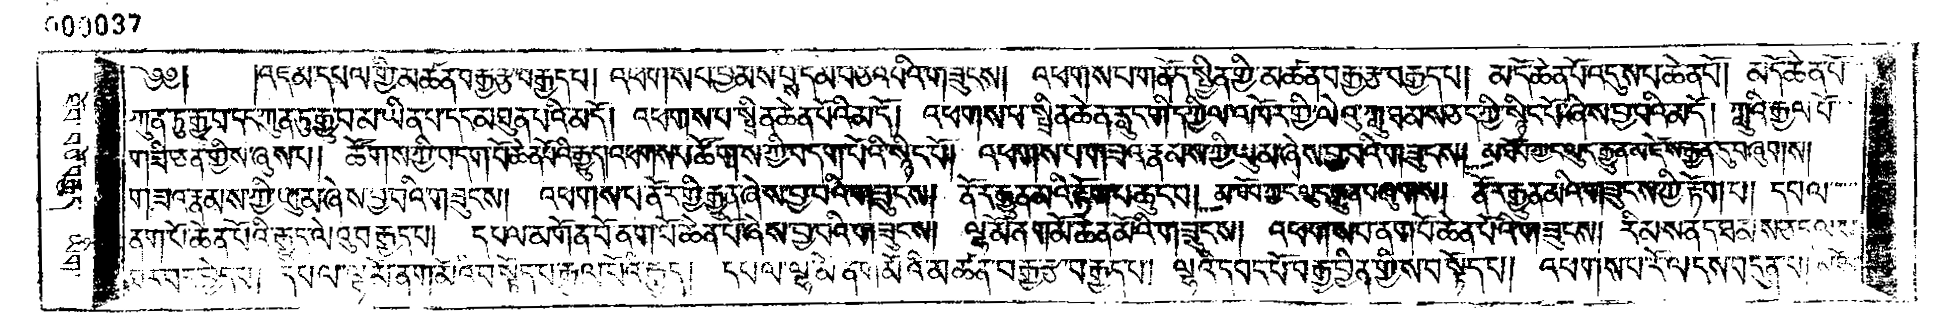༄༅། །འཇམ་དཔལ་གྱི་མཚན་བརྒྱ་རྩ་བརྒྱད་པ། འཕགས་པ་བྱམས་བས་དམ་བཅའ་པའི་གཟུངས། འཕགས་པ་གནོད་སྤྱིན་གྱི་མཚན་བརྒྱ་རྩ་བརྒྱད་པ། མདོ་ཆེན་པོ་འདུས་པ་ཆེན་པོ། མདོ་ཆེན་པོ་
ཀུན་ཏུ་རྒྱུ་བ་དང་ཀུན་ཏུ་རྒྱུ་བ་མ་ཡིན་པ་དང་མཐུན་པའི་མདོ། འཕགས་པ་སྤྲིན་ཆེན་པོའི་མདོ། འཕགས་པ་སྤྲིན་ཆེན་རླུང་གི་དཀྱིལ་འཁོར་གྱི་ལེའུ་ཀླུ་ཐམས་ཅད་ཀྱི་སྙིང་པོ་ཞེས་བྱ་བའི་མདོ། ཀླུའི་རྒྱལ་པོ་
གཟི་ཅན་གྱིས་ཞུས་པ། ཚོགས་ཀྱི་བདག་པོ་ཆེན་པོའི་རྒྱུད། འཕགས་པ་ཚོགས་ཀྱི་བདག་པོའི་སྙིང་པོ། འཕགས་པ་གཟའ་རྣམས་ཀྱི་ཡུམ་ཞེས་བྱ་བའི་གཟུངས། མ་ཐོབ་ཀྱང་ལུང་རྒྱུན་མཛེས་རྒྱན་དུ་བཞུགས།
གཟའ་རྣམས་ཀྱི་ཡུམ་ཞེས་བྱ་བའི་གཟུངས། འཕགས་པ་ནོར་གྱི་རྒྱུན་ཞེས་བྱ་བའི་གཟུངས། ནོར་རྒྱུན་མའི་རྟོག་པ་ཆུང་བ། མ་ཐོབ་ཀྱང་ལུང་རྒྱུན་བཞུགས།  ནོར་རྒྱུན་མའི་གཟུངས་ཀྱི་རྟོག་པ། དཔལ་
ནག་པོ་ཆེན་པོའི་རྒྱུད་ལེའུ་བརྒྱད་པ། དཔལ་མགོན་པོ་ནག་པོ་ཆེན་པོ་ཞེས་བྱ་བའི་གཟུངས། ལྷ་མོ་ནག་མོ་ཆེན་མོའི་གཟུངས། འཕགས་པ་ནག་པོ་ཆེན་པོའི་གཟུངས། རིམས་ནད་ཐམས་ཅད་ལས་
ཐར་བར་བྱེད་པ། དཔལ་ལྷ་མོ་ནག་མོའི་བསྟོད་པ་རྒྱལ་པོའི་རྒྱུད། དཔལ་ལྷ་མོ་ནག་མོའི་མཚན་བརྒྱ་རྩ་བརྒྱད་པ། ལྷའི་དབང་པོ་བརྒྱ་བྱིན་གྱིས་བསྟོད་པ། འཕགས་པ་རོ་ལངས་བདུན་པ། མ་ཐོབ་